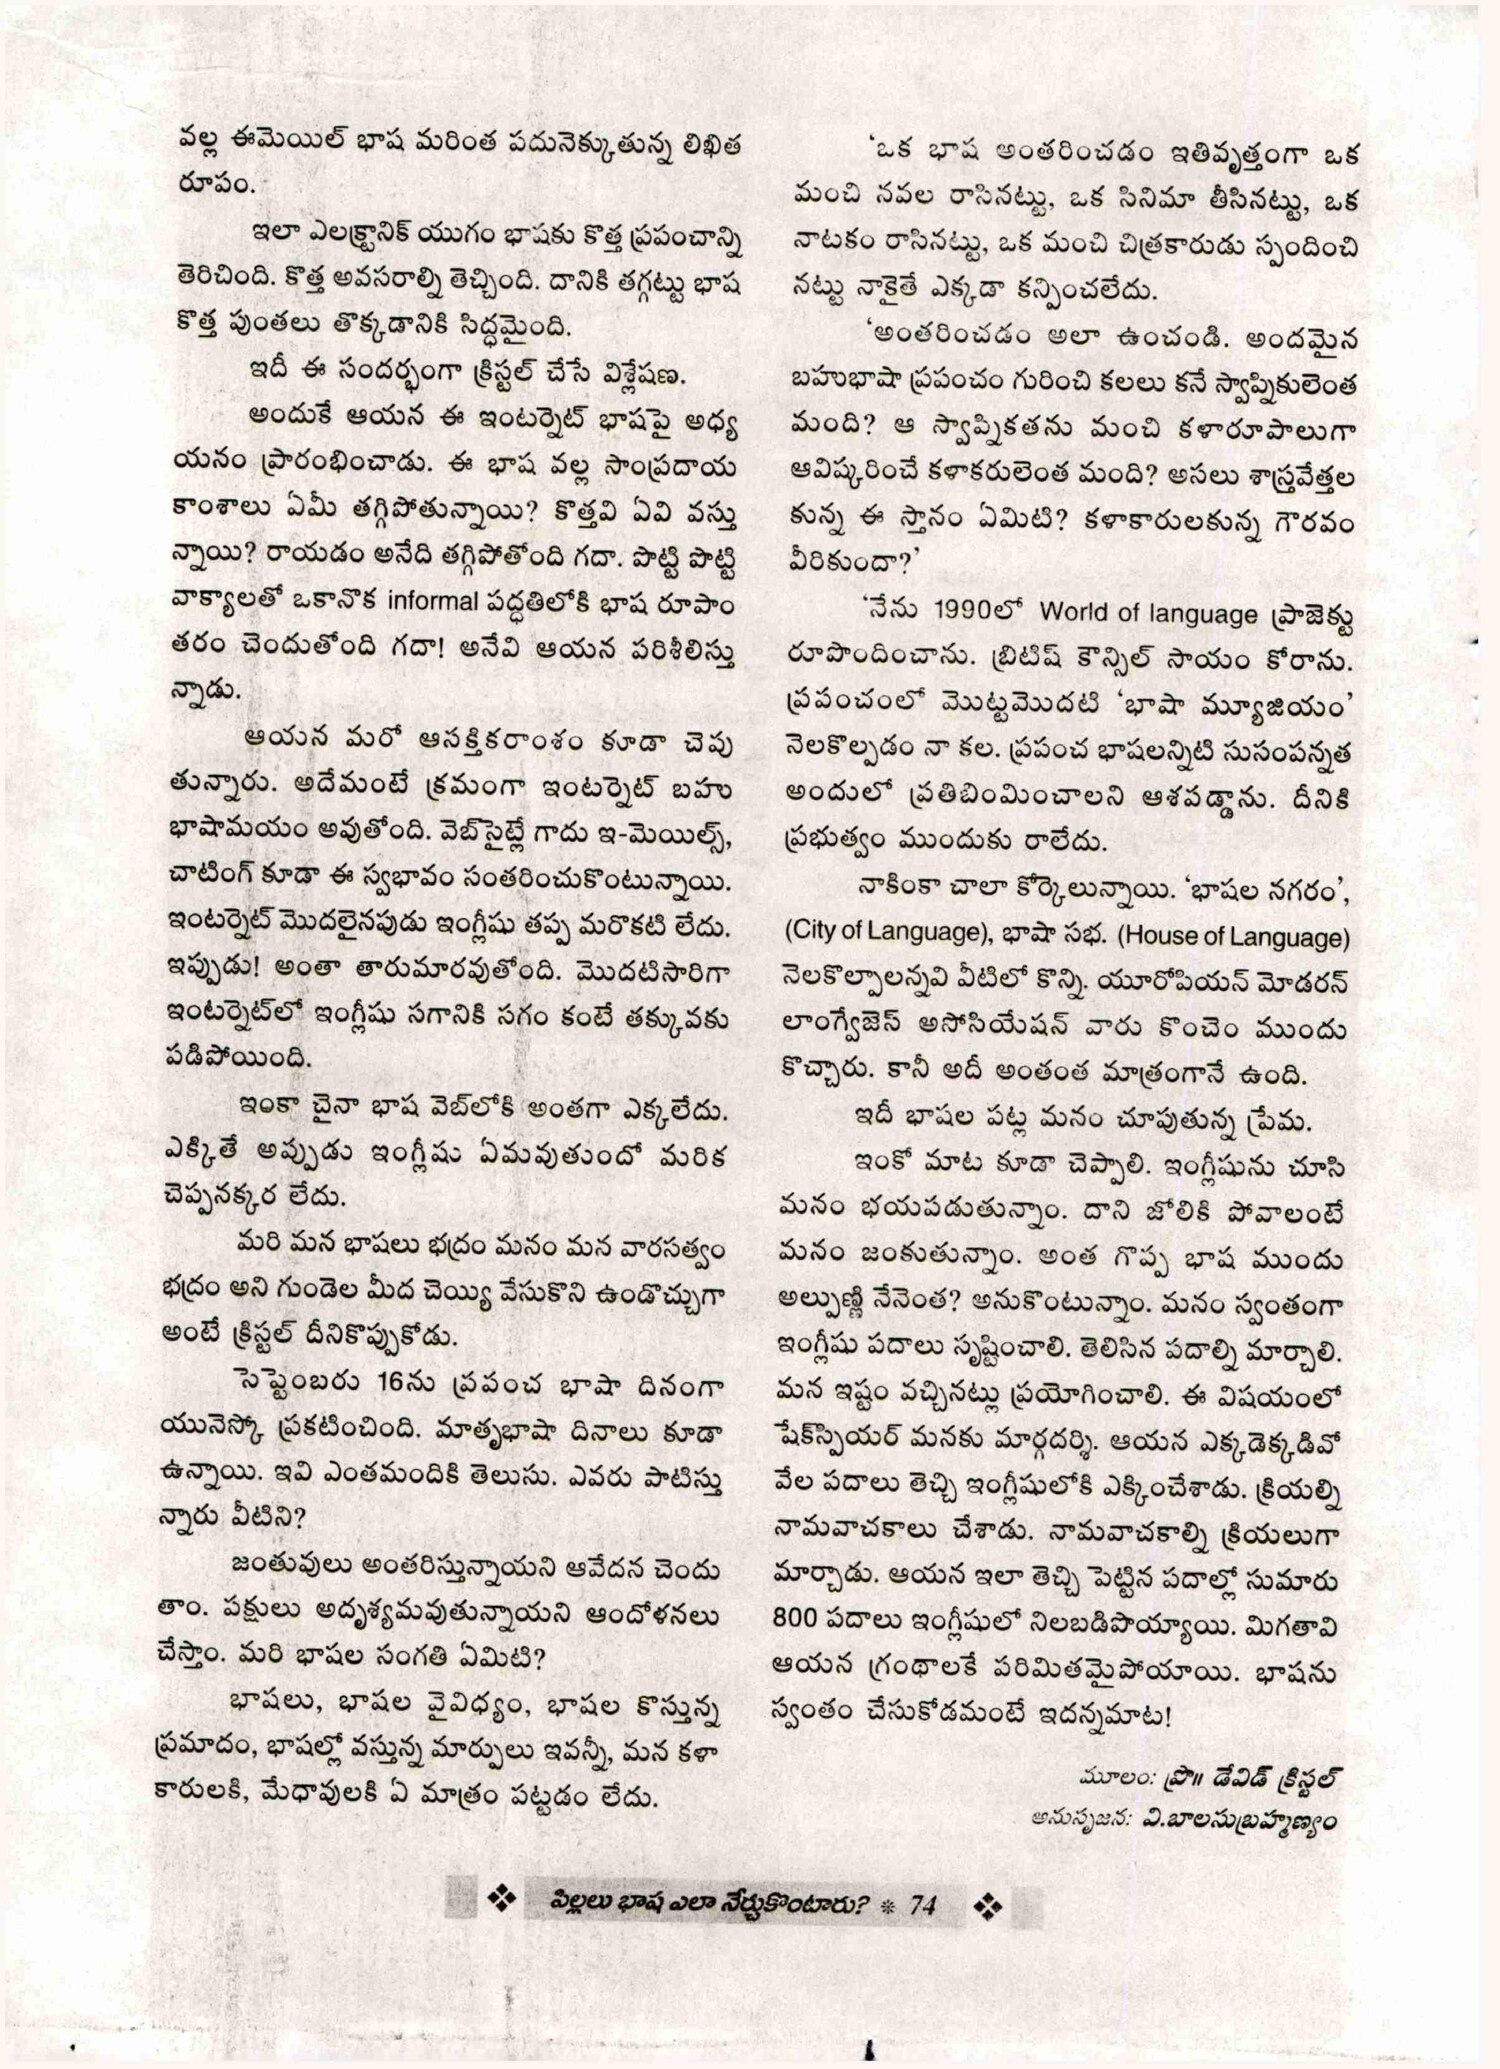వల్ల ఈమెయిల్ భాష మరింత పదునెక్కుతున్న లిఖిత రూపం.

ఇలా ఎలక్ట్రానిక్ యుగం భాషకు కొత్త ప్రపంచాన్ని తెరిచింది. కొత్త అవసరాల్ని తెచ్చింది. దానికి తగ్గట్టు భాష కొత్త పుంతలు తొక్కడానికి సిద్ధమైంది.

ఇదీ ఈ సందర్భంగా క్రిస్టల్ చేసే విశ్లేషణ.

అందుకే ఆయన ఈ ఇంటర్నెట్ భాషపై అధ్యయనం ప్రారంభించాడు. ఈ భాష వల్ల సాంప్రదాయకాంశాలు ఏమీ తగ్గిపోతున్నాయి? కొత్తవి ఏవి వస్తున్నాయి? రాయడం అనేది తగ్గిపోతోంది గదా. పొట్టి పొట్టి వాక్యాలతో ఒకానొక informal పద్ధతిలోకి భాష రూపాంతరం చెందుతోంది గదా! అనేవి ఆయన పరిశీలిస్తున్నాడు.

ఆయన మరో ఆసక్తికరాంశం కూడా చెపుతున్నారు. అదేమంటే క్రమంగా ఇంటర్నెట్ బహు భాషామయం అవుతోంది. వెబ్‌సైట్లే గాదు ఇ-మెయిల్స్, చాటింగ్ కూడా ఈ స్వభావం సంతరించుకొంటున్నాయి. ఇంటర్నెట్ మొదలైనపుడు ఇంగ్లీషు తప్ప మరొకటి లేదు. ఇప్పుడు! అంతా తారుమారవుతోంది. మొదటిసారిగా ఇంటర్నెట్‌లో ఇంగ్లీషు సగానికి సగం కంటే తక్కువకు పడిపోయింది.

ఇంకా చైనా భాష వెబ్‌లోకి అంతగా ఎక్కలేదు. ఎక్కితే అప్పుడు ఇంగ్లీషు ఏమవుతుందో మరిక చెప్పనక్కర లేదు.

మరి మన భాషలు భద్రం మనం మన వారసత్వం భద్రం అని గుండెల మీద చెయ్యి వేసుకొని ఉండొచ్చుగా అంటే క్రిస్టల్ దీనికొప్పుకోడు.

సెప్టెంబరు 16ను ప్రపంచ భాషా దినంగా యునెస్కో ప్రకటించింది. మాతృభాషా దినాలు కూడా ఉన్నాయి. ఇవి ఎంతమందికి తెలుసు. ఎవరు పాటిస్తున్నారు వీటిని?

జంతువులు అంతరిస్తున్నాయని ఆవేదన చెందుతాం. పక్షులు అదృశ్యమవుతున్నాయని ఆందోళనలు చేస్తాం. మరి భాషల సంగతి ఏమిటి?

భాషలు, భాషల వైవిధ్యం, భాషల కొస్తున్న ప్రమాదం, భాషల్లో వస్తున్న మార్పులు ఇవన్నీ, మన కళాకారులకి, మేధావులకి ఏ మాత్రం పట్టడం లేదు.

'ఒక భాష అంతరించడం ఇతివృత్తంగా ఒక మంచి నవల రాసినట్టు, ఒక సినిమా తీసినట్టు, ఒక నాటకం రాసినట్టు, ఒక మంచి చిత్రకారుడు స్పందించినట్టు నాకైతే ఎక్కడా కన్పించలేదు.

'అంతరించడం అలా ఉంచండి. అందమైన బహుభాషా ప్రపంచం గురించి కలలు కనే స్వాప్నికులెంతమంది? ఆ స్వాప్నికతను మంచి కళారూపాలుగా ఆవిష్కరించే కళాకరులెంత మంది? అసలు శాస్త్రవేత్తలకున్న ఈ స్తానం ఏమిటి? కళాకారులకున్న గౌరవం వీరికుందా?'

'నేను 1990లో World of language ప్రాజెక్టు రూపొందించాను. బ్రిటిష్ కౌన్సిల్ సాయం కోరాను. ప్రపంచంలో మొట్టమొదటి 'భాషా మ్యూజియం' నెలకొల్పడం నా కల. ప్రపంచ భాషలన్నిటి సుసంపన్నత అందులో ప్రతిబింమించాలని ఆశపడ్డాను. దీనికి ప్రభుత్వం ముందుకు రాలేదు.

నాకింకా చాలా కోర్కెలున్నాయి. 'భాషల నగరం', (City of Language), భాషా సభ. (House of Language)
నెలకొల్పాలన్నవి వీటిలో కొన్ని. యూరోపియన్ మోడరన్ లాంగ్వేజెస్ అసోసియేషన్ వారు కొంచెం ముందుకొచ్చారు. కానీ అదీ అంతంత మాత్రంగానే ఉంది.

ఇదీ భాషల పట్ల మనం చూపుతున్న ప్రేమ.

ఇంకో మాట కూడా చెప్పాలి. ఇంగ్లీషును చూసి మనం భయపడుతున్నాం. దాని జోలికి పోవాలంటే మనం జంకుతున్నాం. అంత గొప్ప భాష ముందు అల్పుణ్ణి నేనెంత? అనుకొంటున్నాం. మనం స్వంతంగా ఇంగ్లీషు పదాలు సృష్టించాలి. తెలిసిన పదాల్ని మార్చాలి. మన ఇష్టం వచ్చినట్లు ప్రయోగించాలి. ఈ విషయంలో షేక్‌స్పియర్ మనకు మార్గదర్శి. ఆయన ఎక్కడెక్కడివో వేల పదాలు తెచ్చి ఇంగ్లీషులోకి ఎక్కించేశాడు. క్రియల్ని నామవాచకాలు చేశాడు. నామవాచకాల్ని క్రియలుగా మార్చాడు. ఆయన ఇలా తెచ్చి పెట్టిన పదాల్లో సుమారు 800 పదాలు ఇంగ్లీషులో నిలబడిపొయ్యాయి. మిగతావి ఆయన గ్రంథాలకే పరిమితమైపోయాయి. భాషను స్వంతం చేసుకోడమంటే ఇదన్నమాట!